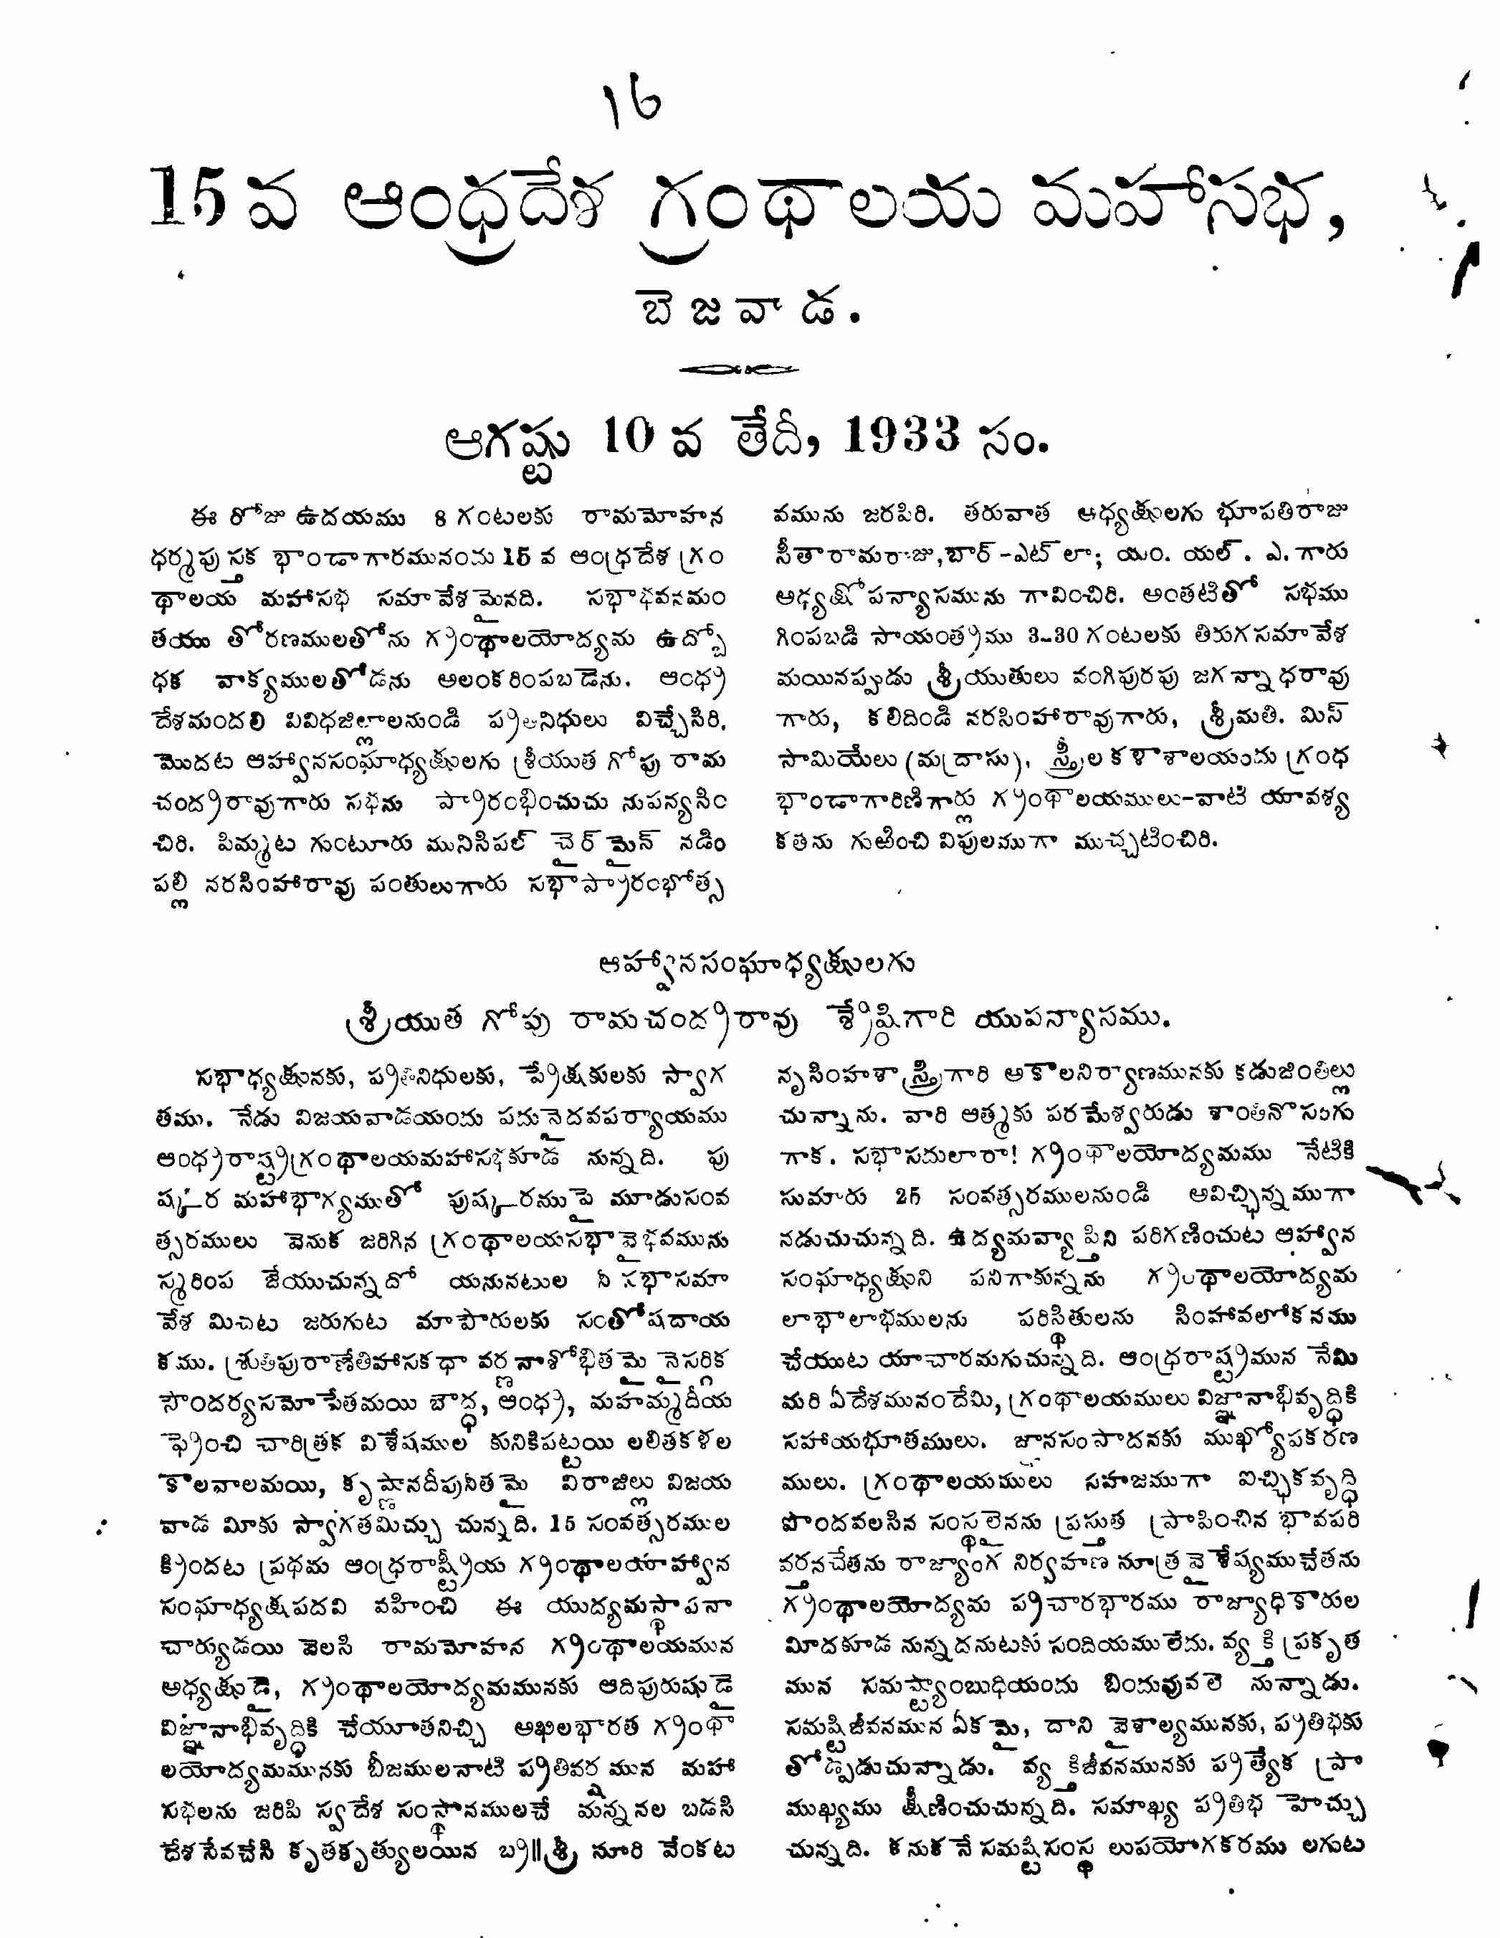ఈ రోజు ఉదయము 8 గంటలకు రామమోహన ధర్మపుస్తక భాండాగారమునందు 15 వ ఆంధ్రదేశ గ్రంథాలయ మహాసభ సమావేశ
మైనది. సభా భవనమంతయు తోరణములతోను గ్రంథాలయోద్యము ఉద్బోధక వాక్యములతోడను అలంకరింపబడెను. ఆంధ్ర
దేశమందలి వివిధజిల్లాలనుండి ప్రతినిధులు విచ్చేసిరి. మొదట ఆహ్వానసంఘాధ్యక్షులగు శ్రీయుత గోపు రామచంద్రరావుగారు సభను ప్రారంభించుచు నుపన్యసించిరి. పిమ్మట గుంటూరు మునిసిపల్ చైర్ మైన్ నడింపల్లి నరసింహారావు పంతులుగారు సభా
ప్రారంభోత్సవమును జరపిరి. తరువాత అధ్యక్షులగు భూపతిరాజు సీతారామరాజు, బార్-ఎట్ లా; యం.యల్.ఎ.గారు
అధ్యక్షోపన్యాసమును గావించిరి. అంతటితో సభ ముగింపబడి సాయంత్రము 3-30 గంటలకు తిరుగ సమావేశమయినప్పుడు 
శ్రీయుతులు వంగిపురపు జగన్నాధరావుగారు, కలిదిండి నరసింహారావు గారు, శ్రీమతి. మిస్ సామియేలు (మద్రాసు), స్త్రీల 
కళాశాలయందు గ్రంధ భాండాగారిణి గార్లు గ్రంథాలయములు-వాటి యావశ్యకతను గుఱించి విపులముగా ముచ్చటించిరి. 

 

సభాధ్యక్షునకు, ప్ర నిధులకు, ప్రేక్షకులకు స్వాగతము. నేడు విజయవాడయందు పదునైదవపర్యాయము అంధ రాష్ట్రగ్రంథాలయ మహాసభ కూడ నున్నది. పుష్కర మహాభాగ్యముతో పుష్కరముపై మూడుసంవత్సరములు వెనుక జరిగిన గ్రంథాలయసభా
వైభవమును స్మరింప జేయుచున్నదో యనునటుల నీ సభా సమావేశ మిచట జరుగుట మా పౌరులకు సంతోషదాయకము. శ్రుతిపురాణేతిహాసకథా వర్ల నాశోభితమై నైసర్గిక సౌందర్యసమోపేతమయి బౌద్ధ, ఆంధ్ర, మహమ్మదీయ, ఫ్రెంచి చారిత్రక విశేషములు కునికిపటయి లలితకళల కాలవాలమయి, కృష్ణానదీపునీతమై విరాజిల్లు విజయవాడ మీకు స్వాగతమిచ్చు చున్నది. 15 సంవత్సరముల
క్రిందట ప్రధమ ఆంధ్రరాష్ట్రీయ గ్రంథాలయాహ్వాన సంఘాధ్యక్షపదవి వహించి ఈ యుద్యమస్థాపనాచార్యుడయి వెలసి రామమోహన గ్రంథాలయమున అధ్యక్షుడై, గ్రంథాలయోద్యమమునకు ఆది పురుషుడై, విజ్ఞానాభివృద్ధికి చేయూతనిచ్చి అఖిలభారత గ్రంథా
లయోద్యమమునకు బీజముల నాటి ప్రతివర్ణమున మహాశుభలను జరిపి స్వదేశ సంస్థానములచే మన్ననల బడసి, దేశ సేవచేసి కృతకృత్యులయిన బ॥ శ్రీ సూరి వేంకట నృసింహశాస్త్రిగారి ఆకాలనిర్యాణమునకు కడుజింతిల్లు చున్నాను. వారి ఆత్మకు పరమేశ్వరుడు శాంతినొసంగు గాక. సభాసదులారా! గ్రంథాలయోద్యమము నేటికి సుమారు 25 సంవత్సరములనుండి అవిచ్ఛిన్నముగా నడుచుచున్నది. ఉద్యమవ్యాప్తిని పరిగణించుట ఆహ్వాన సంఘాధ్యక్షుని పనిగాకున్నను గ్రంథాలయోద్యమ లాభాలాభములను పరిస్థితులను సింహావలోకనము చేయుట యాచారమగుచున్నది. ఆంధ్రరాష్ట్రమున నేమి? మరి ఏదేశమునం దేమి? గ్రంథాలయములు విజ్ఞానాభివృద్ధికి
సహాయభూతములు, జానసంపాదనకు ముఖ్యోపకరణములు. గ్రంథాలయములు సహజముగా ఐచ్ఛికవృద్ధి పొందవలసిన సంస్థలెనను ప్రస్తుత ప్రాపించిన భావపరి వర్తనచేతను రాజ్యాంగ నిర్వహణ సూత్రనై శేష్యము చేతను గ్రంథాలయోద్యమ ప్రచారభారము రాజ్యాధికారుల
మీద కూడ నున్నదనుటకు సందియము లేదు. వ్యక్తి ప్రకృతమున సమష్ట్యాంబుధియందు బిందువువలె నున్నాడు. సమష్టి జీవనమున ఏకమై, దాని వైశాల్యమునకు, ప్రతిభకు తోడ్పడుచున్నాడు. వ్యక్తి జీవనమునకు ప్రత్యేక ప్రాముఖ్యము క్షీణించుచున్నది. సమాఖ్య ప్రతిభ హెచ్చు చున్నది. కనుకనే సమష్టీసంస్థ లుపయోగకరము లగుట